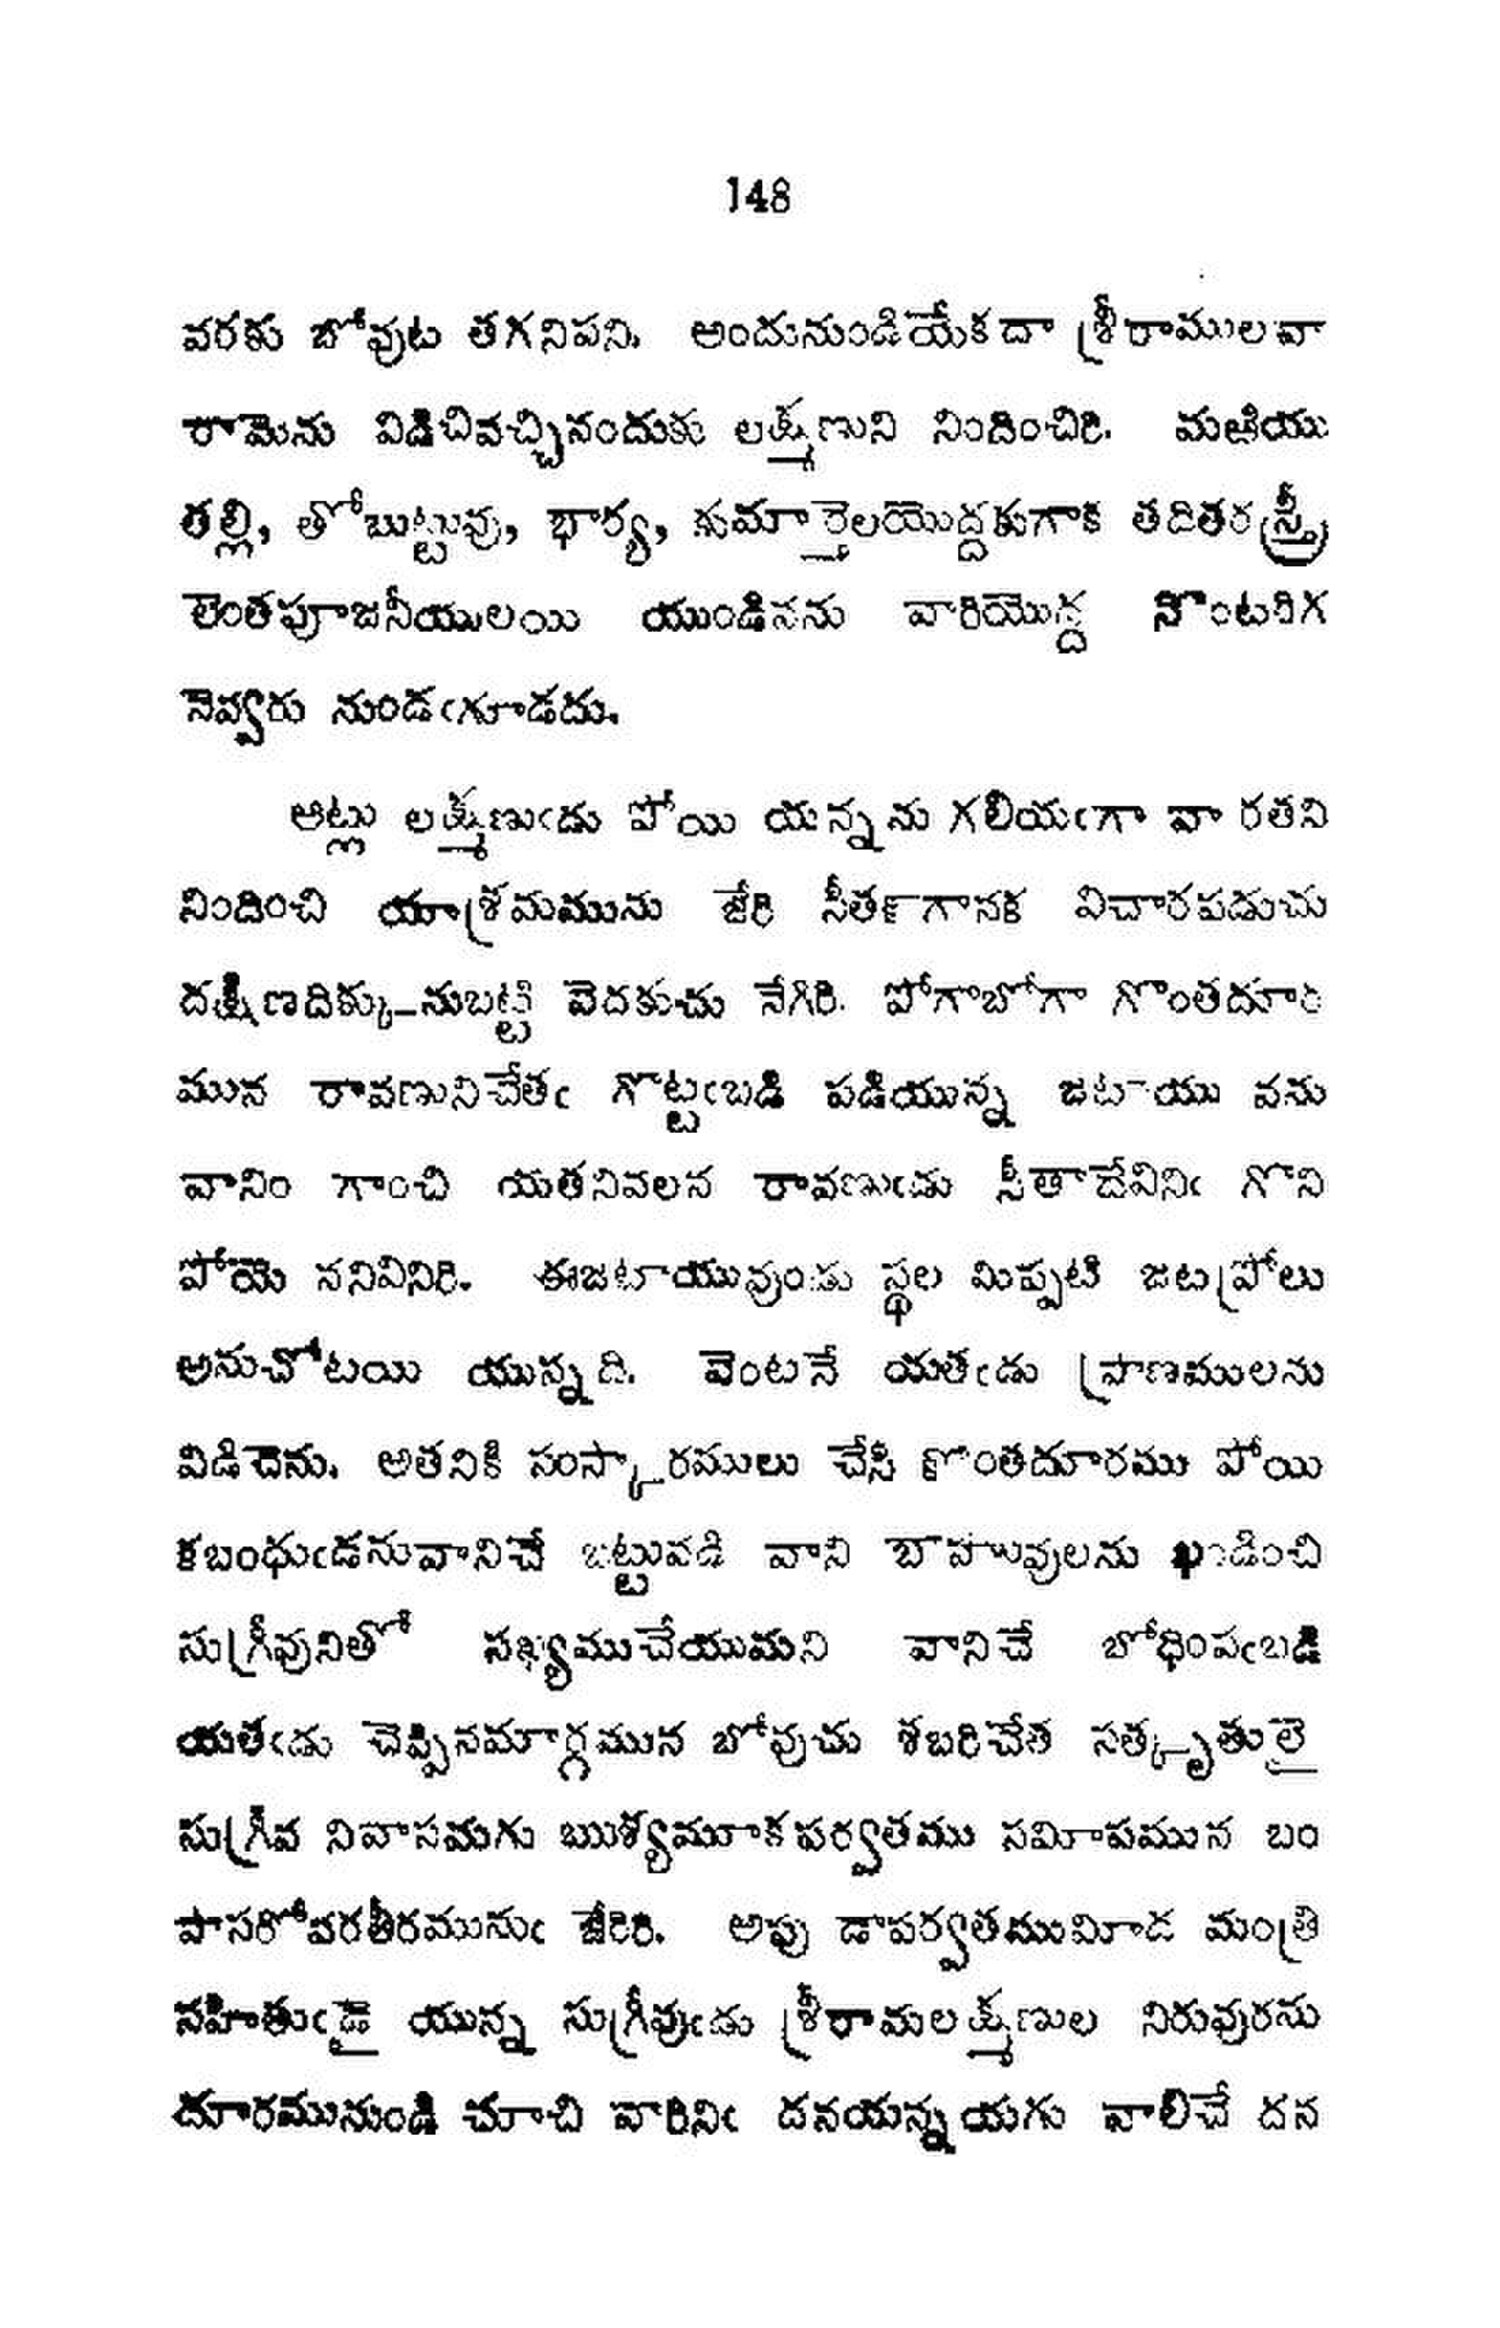వరకు బోవుట తగనిపని. అందునుండియేకదా శ్రీరాములవారామెను విడిచివచ్చినందుకు లక్ష్మణుని నిందించిరి. మఱియు తల్లి, తోబుట్టువు, భార్య, కుమార్తెలయొద్దకుగాక తదితరస్త్రీ లెంత పూజనీయులయి యుండినను వారియొద్ద నొంటరిగా నెవ్వరు నుండఁగూడదు.

అట్లు లక్ష్మణుఁడు పోయి యన్నను గలియఁగా వా రతని నిందించి యాశ్రమమును జేరి సీతన్ గానక విచారపడుచు దక్షిణదిక్కునుబట్టి వెదకుచు నేగిరి. పోగాబోగా గొంతదూరమున రావణునిచేతఁ గొట్టఁబడి పడియున్న జటాయు వను వానిం గాంచి యతనివలన రావణుఁడు సీతాదేవినిఁ గొనిపోయె ననివినిరి. ఈజటాయువుండు స్థల మిప్పటి జటప్రోలు అనుచోటయి యున్నది. వెంటనే యతఁడు ప్రాణములను విడిచెను. అతనికి సంస్కారములు చేసి గొంతదూరము పోయి కబంధుఁడనువానిచే బట్టువడి వాని బాహువులను ఖండించి సుగ్రీవునితో సఖ్యముచేయుమని వానిచే బోధింపఁబడి
యతఁడు చెప్పినమార్గమున బోవుచు శబరిచేత సత్కృతులై సుగ్రీవ నివాసమగు ఋశ్యమూక పర్వతము సమీపమున బంపాసరోవరతీరమునుఁ జేరిరి. అపు డాపర్వతముమీద మంత్రి సహితుఁడై యున్న సుగ్రీవుఁడు శ్రీరామలక్ష్మణుల నిరువురను దూరమునుండి చూచి వారినిఁ దనయన్నయగు వాలిచే దన